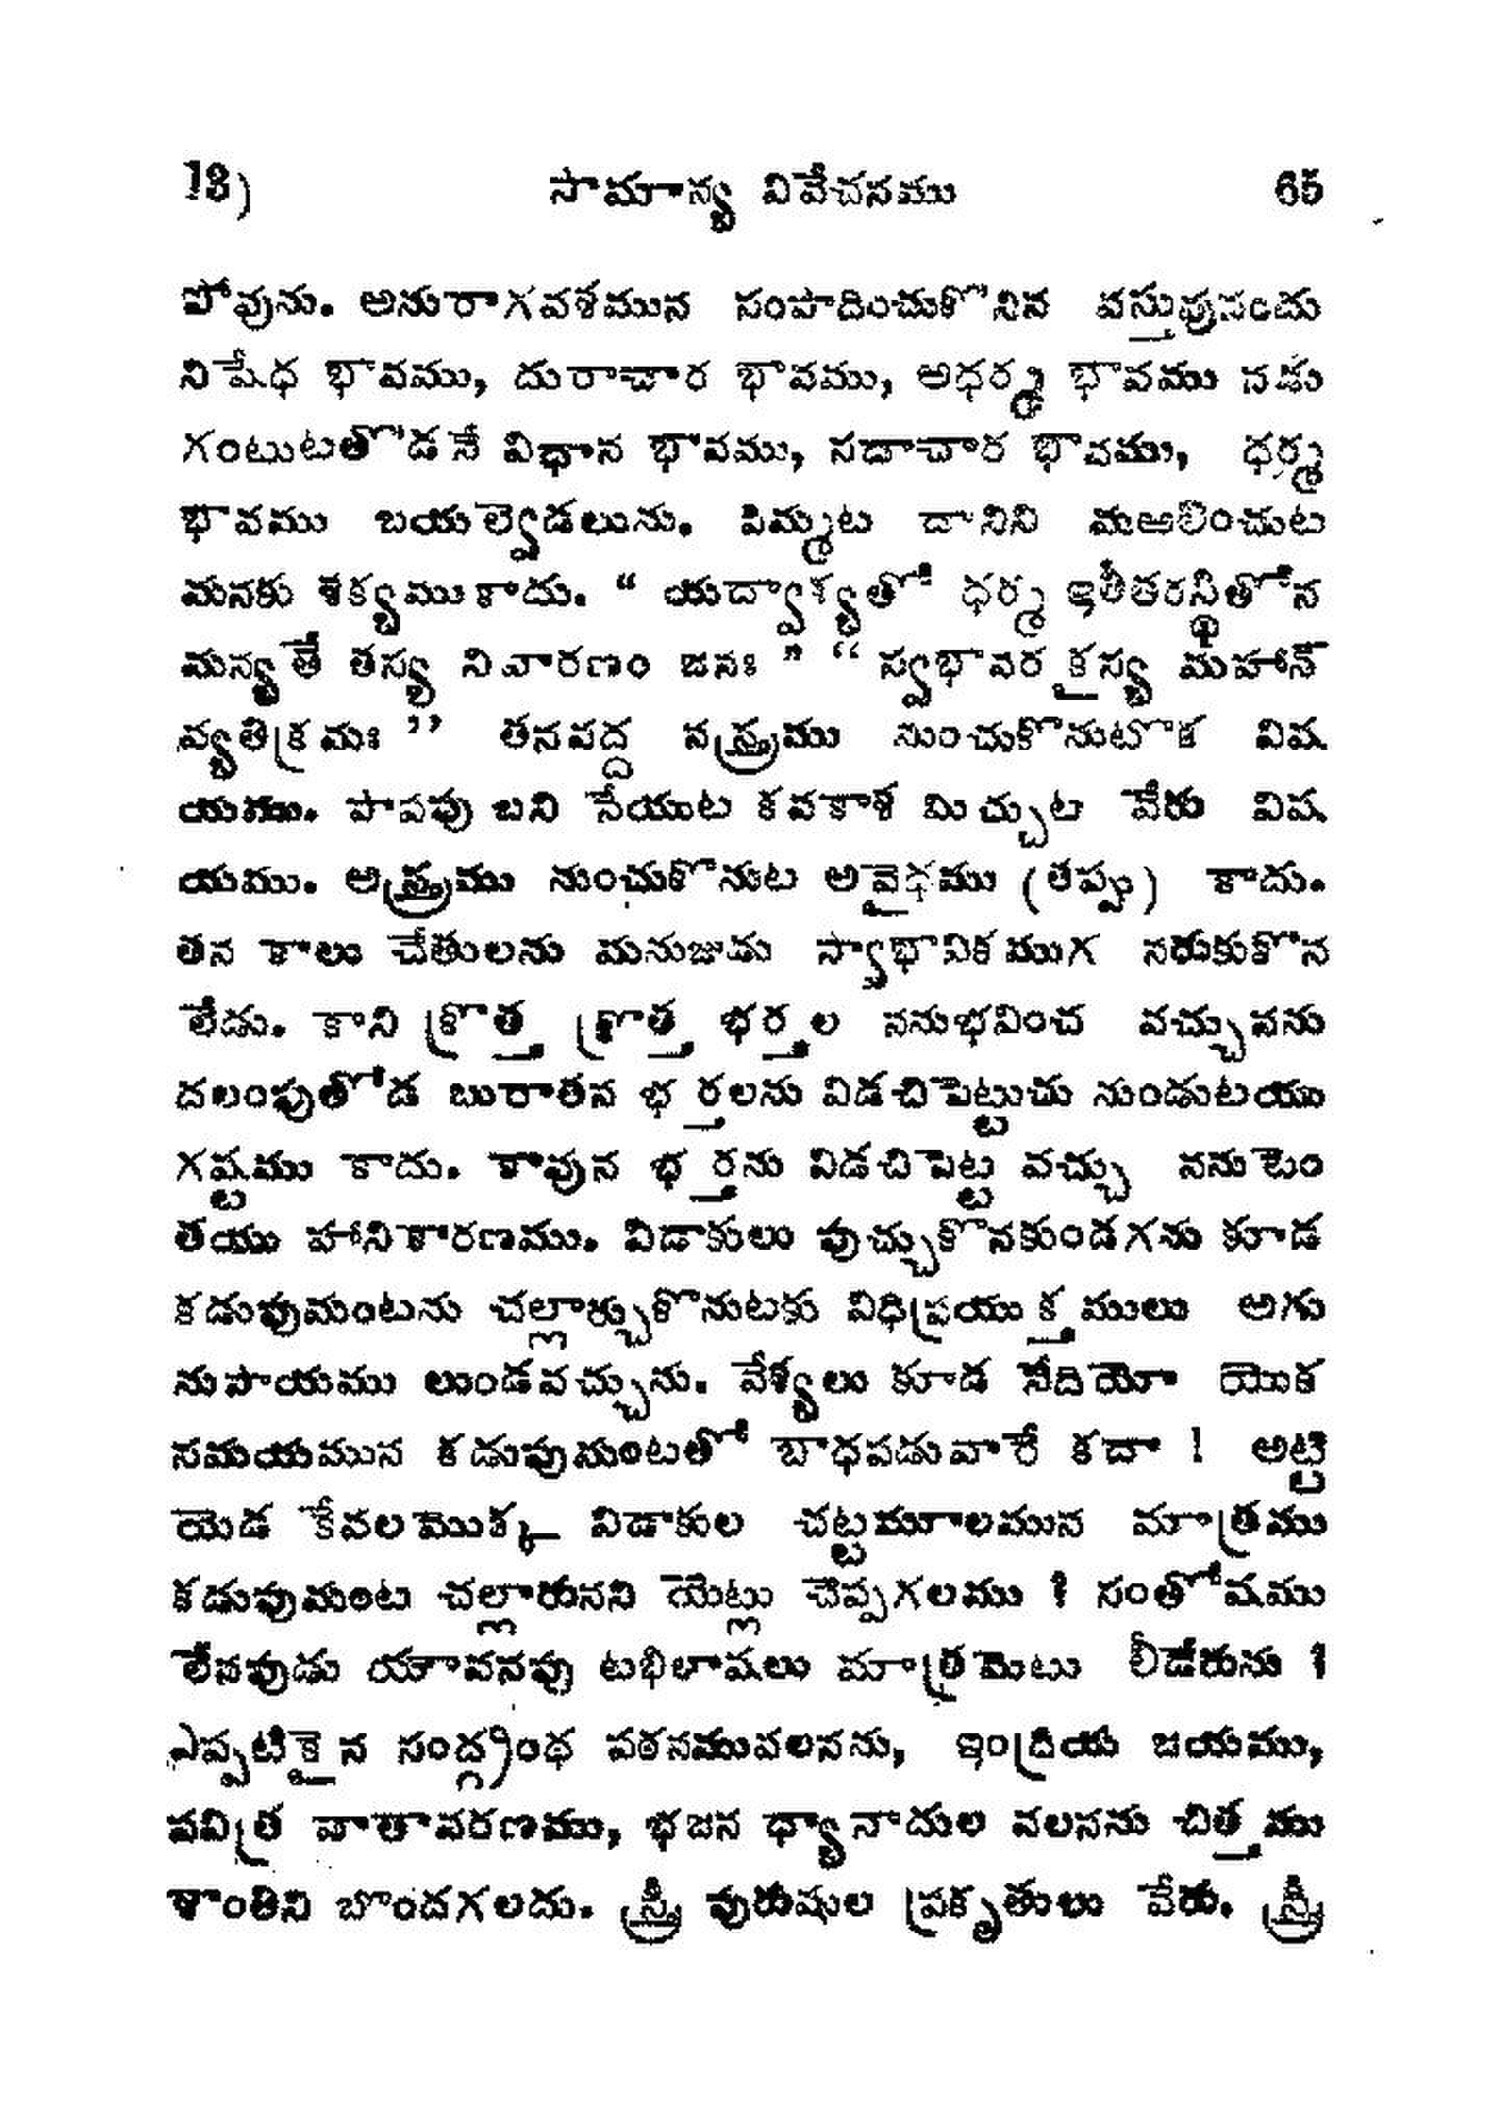పోవును. అనురాగవశమున సంపాదించుకొనిన వస్తువునందు
నిషేధ భావము, దురాచార భావము, అధర్మ భావము నకు
గంటుటతోడనే విధాన భావము, సదాచార భావము, ధర్మ
భావము బయల్వెడలును, పిమ్మట దానిని మఱలించుట
మనకు శక్యము కాదు. "యద్వాక్యతో ధర్మ ఇతీతరస్థితోన
మన్యతే తస్య నివారణం జనః" "స్వభావరక్తస్య మహాన్
వ్యతిక్రమః." తన వద్ద నస్త్రము నుంచుకొనుటొక విష
యము. పాపపు బని సేయుట కవకాశ మిచ్చుట వేరు విష
యము. అస్త్రము నుంచుకొనుట అవైధము (తప్పు) కాదు.
తన కాలు చేతులను మనుజుడు స్వాభావికముగ నరుకుకొన
లేదు. కాని క్రొత్త క్రొత్త భర్తల ననుభవించ వచ్చునను
దలంపుతోడ బురాతన భర్తలను విడచి పెట్టుచు నుండుటయు
గష్టము కాదు. కావున భర్తను విడచిపెట్ట వచ్చు ననుటెంతయు 
హానికారణము, విడాకులు పుచ్చుకొనకుండగను కూడ
కడుపుమంటను చల్లార్చుకొనుటకు విధిప్రయుక్తములు అగు
నుపాయము లుండవచ్చును. వేశ్యలు కూడ నేదియో యొక
సమయమున కడుపుమంటతో బాధపడువారే కదా ! అట్టి
యెడ `కేవలమొక్క విడాకుల చట్టమూలమున మాత్రము
కడుపుమంట చల్లారునని యెట్లు చెప్పగలము? సంతోషము
లేనపుడు యౌవనపు టభిలాషలు మాత్రమెటు లీడేరును!
ఎప్పటికైన సద్గ్రంధ పఠనమువలనను, ఇంద్రియ జయము,
పవిత్ర వాతావరణము, భజన ధ్యానాదుల వలసను చిత్తము
శాంతిని బొందగలదు. స్త్రీ పురుషుల ప్రకృతులు వేరు. స్త్రీ